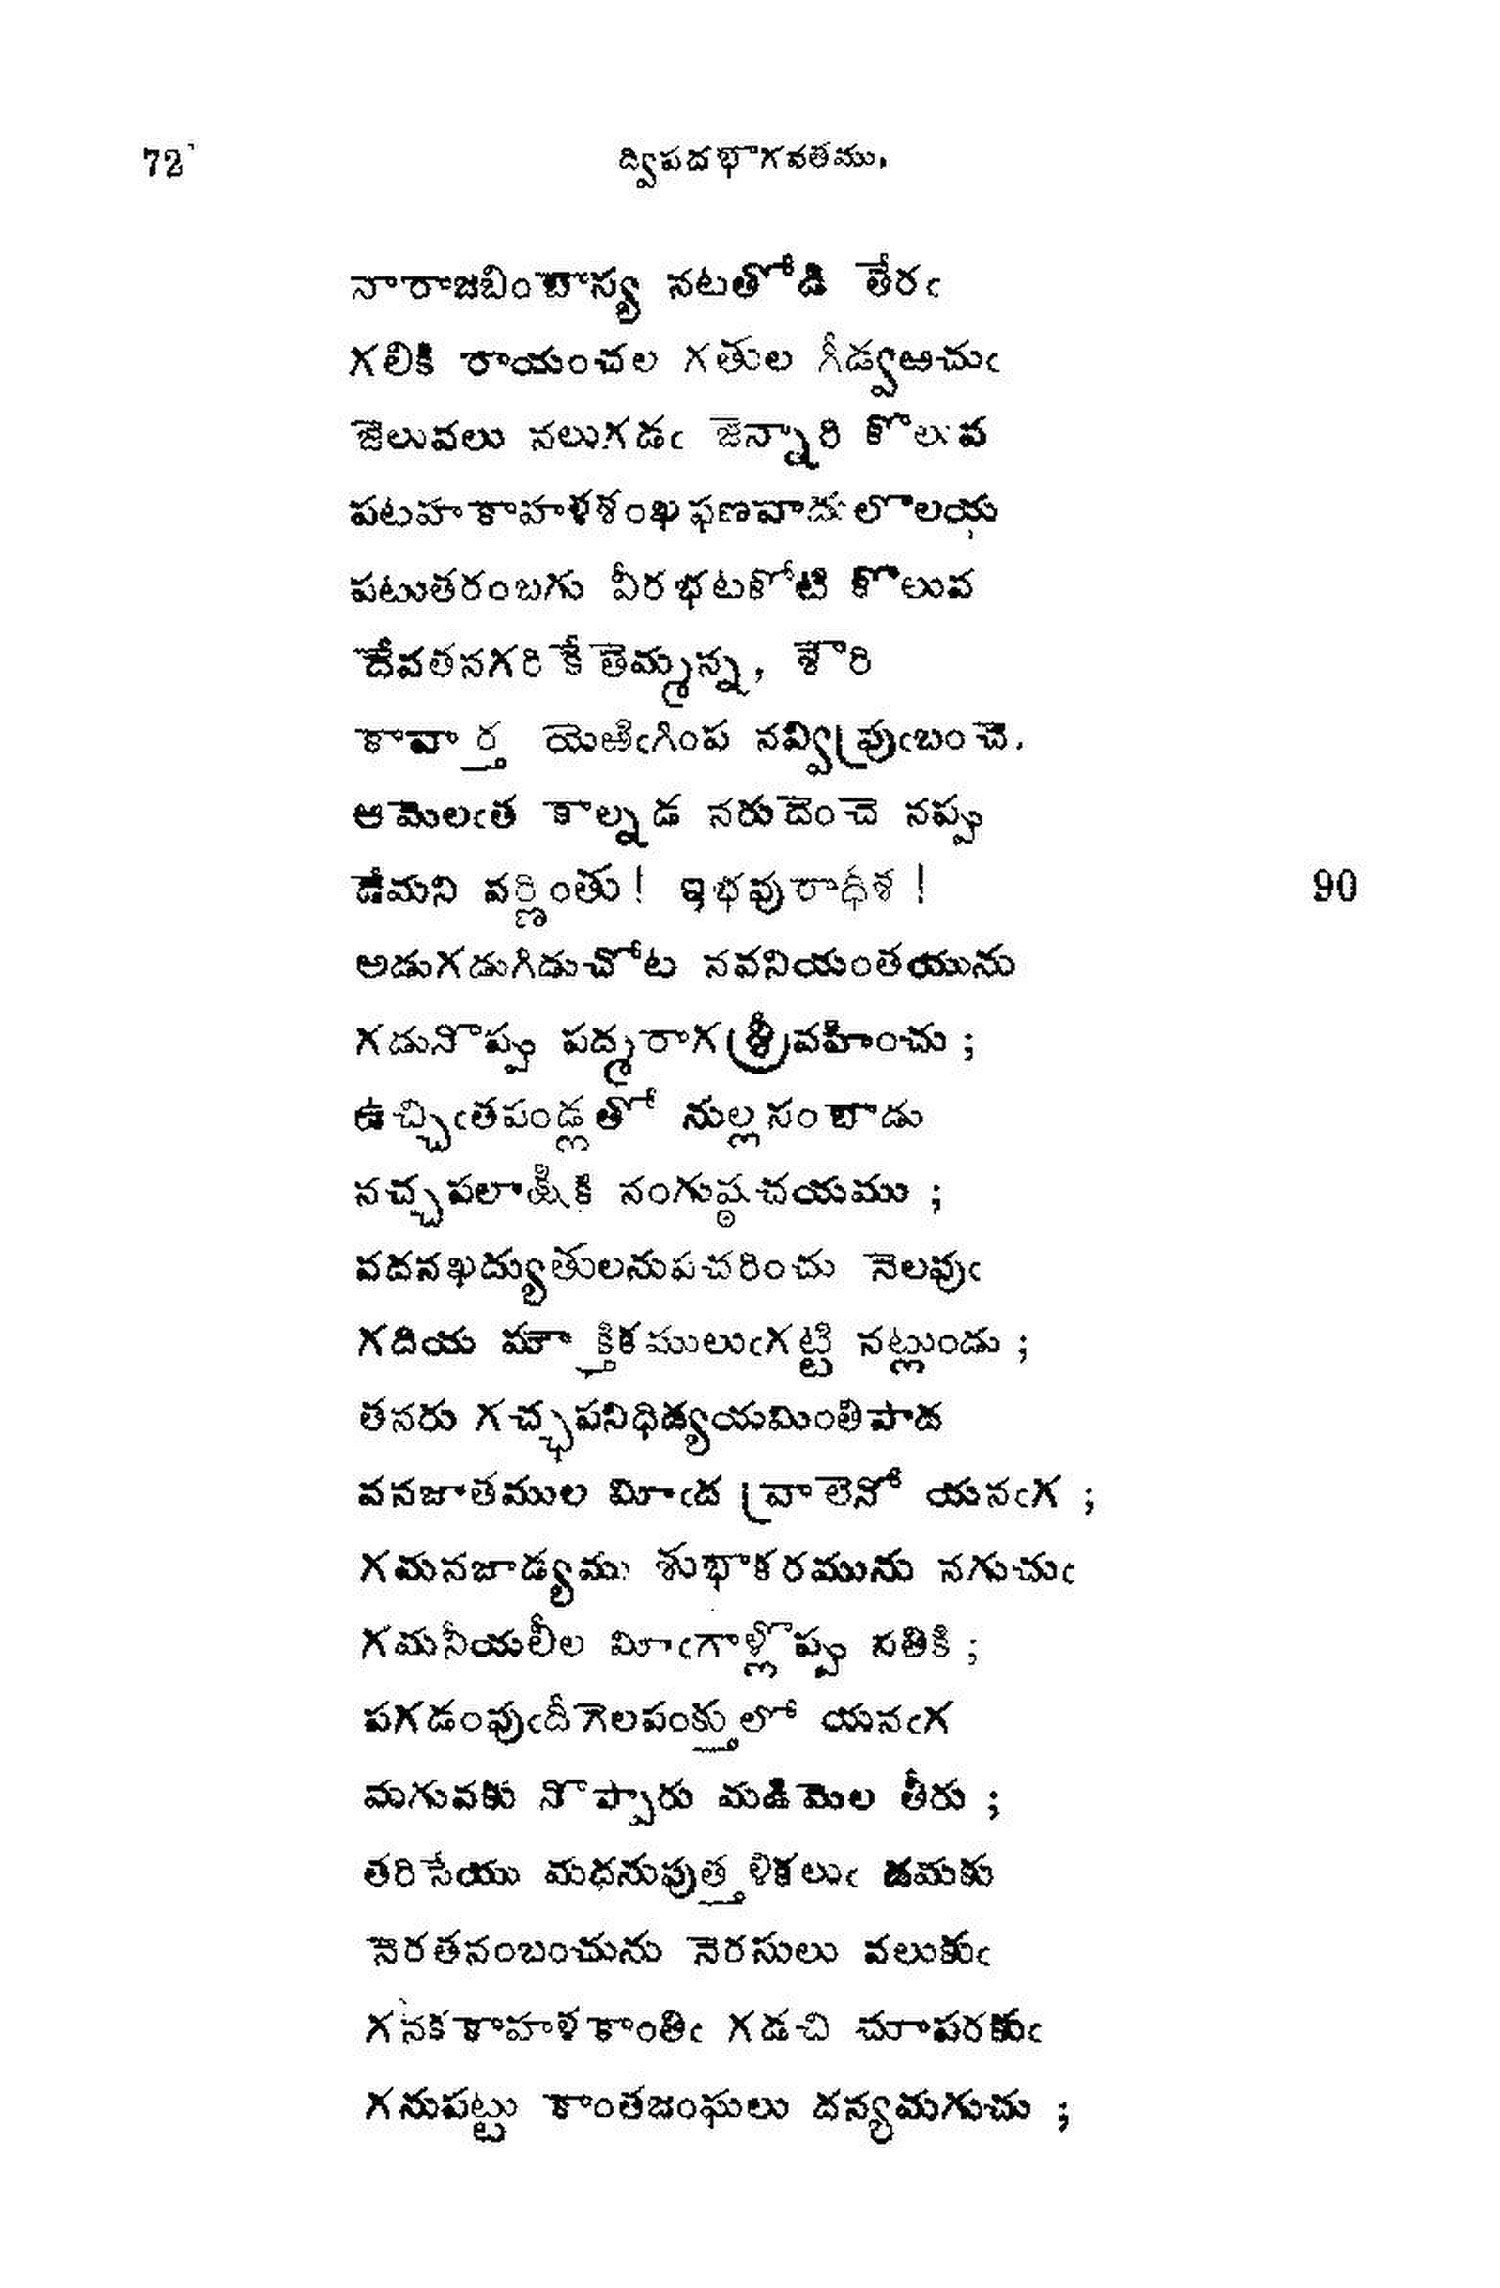నారాజబింబాస్య నటతోడి తేరఁ
గలికి రాయంచల గతుల గీడ్వఱచుఁ
జెలువలు నలుగడఁ జెన్నారి కొలువ
పటహకాహళశంఖఫణవాదు లొలయ
పటుతరంబగు వీరభటకోటి కొలువ
దేవతనగరి కేతెమ్మన్న, శౌరి
కావార్త యెఱిఁగింప నవ్విప్రుఁ బంచె,
ఆమెలఁత కాల్నడ నరుదెంచె నప్పు
డేమని వర్ణింతు! ఇభపురాధీశ!
అడుగడుగిడుచోట నవనియంతయును
గడునొప్పు పద్మరాగశ్రీ వహించు;
ఉచ్చిఁతపండ్లతో నుల్లసంబాడు
నచ్చపలాక్ష్మికి నంగుష్ఠచయము;
వదనఖద్యుతు లనుపచరించు నెలవుఁ
గదియ మౌక్తికములుఁ గట్టి నట్లుండు;
తనరు గచ్ఛపనిధిద్వయ మింతిపాద
వనజాతములమీఁద వ్రాలెనో యనఁగ;
గమనజాడ్యము శుభాకరమును నగుచుఁ
గమనీయలీల మీఁగాళ్ళొప్పు సతికి;
పగడంపుఁదీగెలపంక్తులో యనఁగ
మగువకు నొప్పారు మడిమెల తీరు;
తరిసేయు మదనుపుత్తళికలుఁ దమకు
నెరతనంబంచును నెరసులు వలుకు
గనకకాహళకాంతిఁ గడచి చూపరకుఁ
గనుపట్టు కాంతజంఘలు దన్యమగుచు;